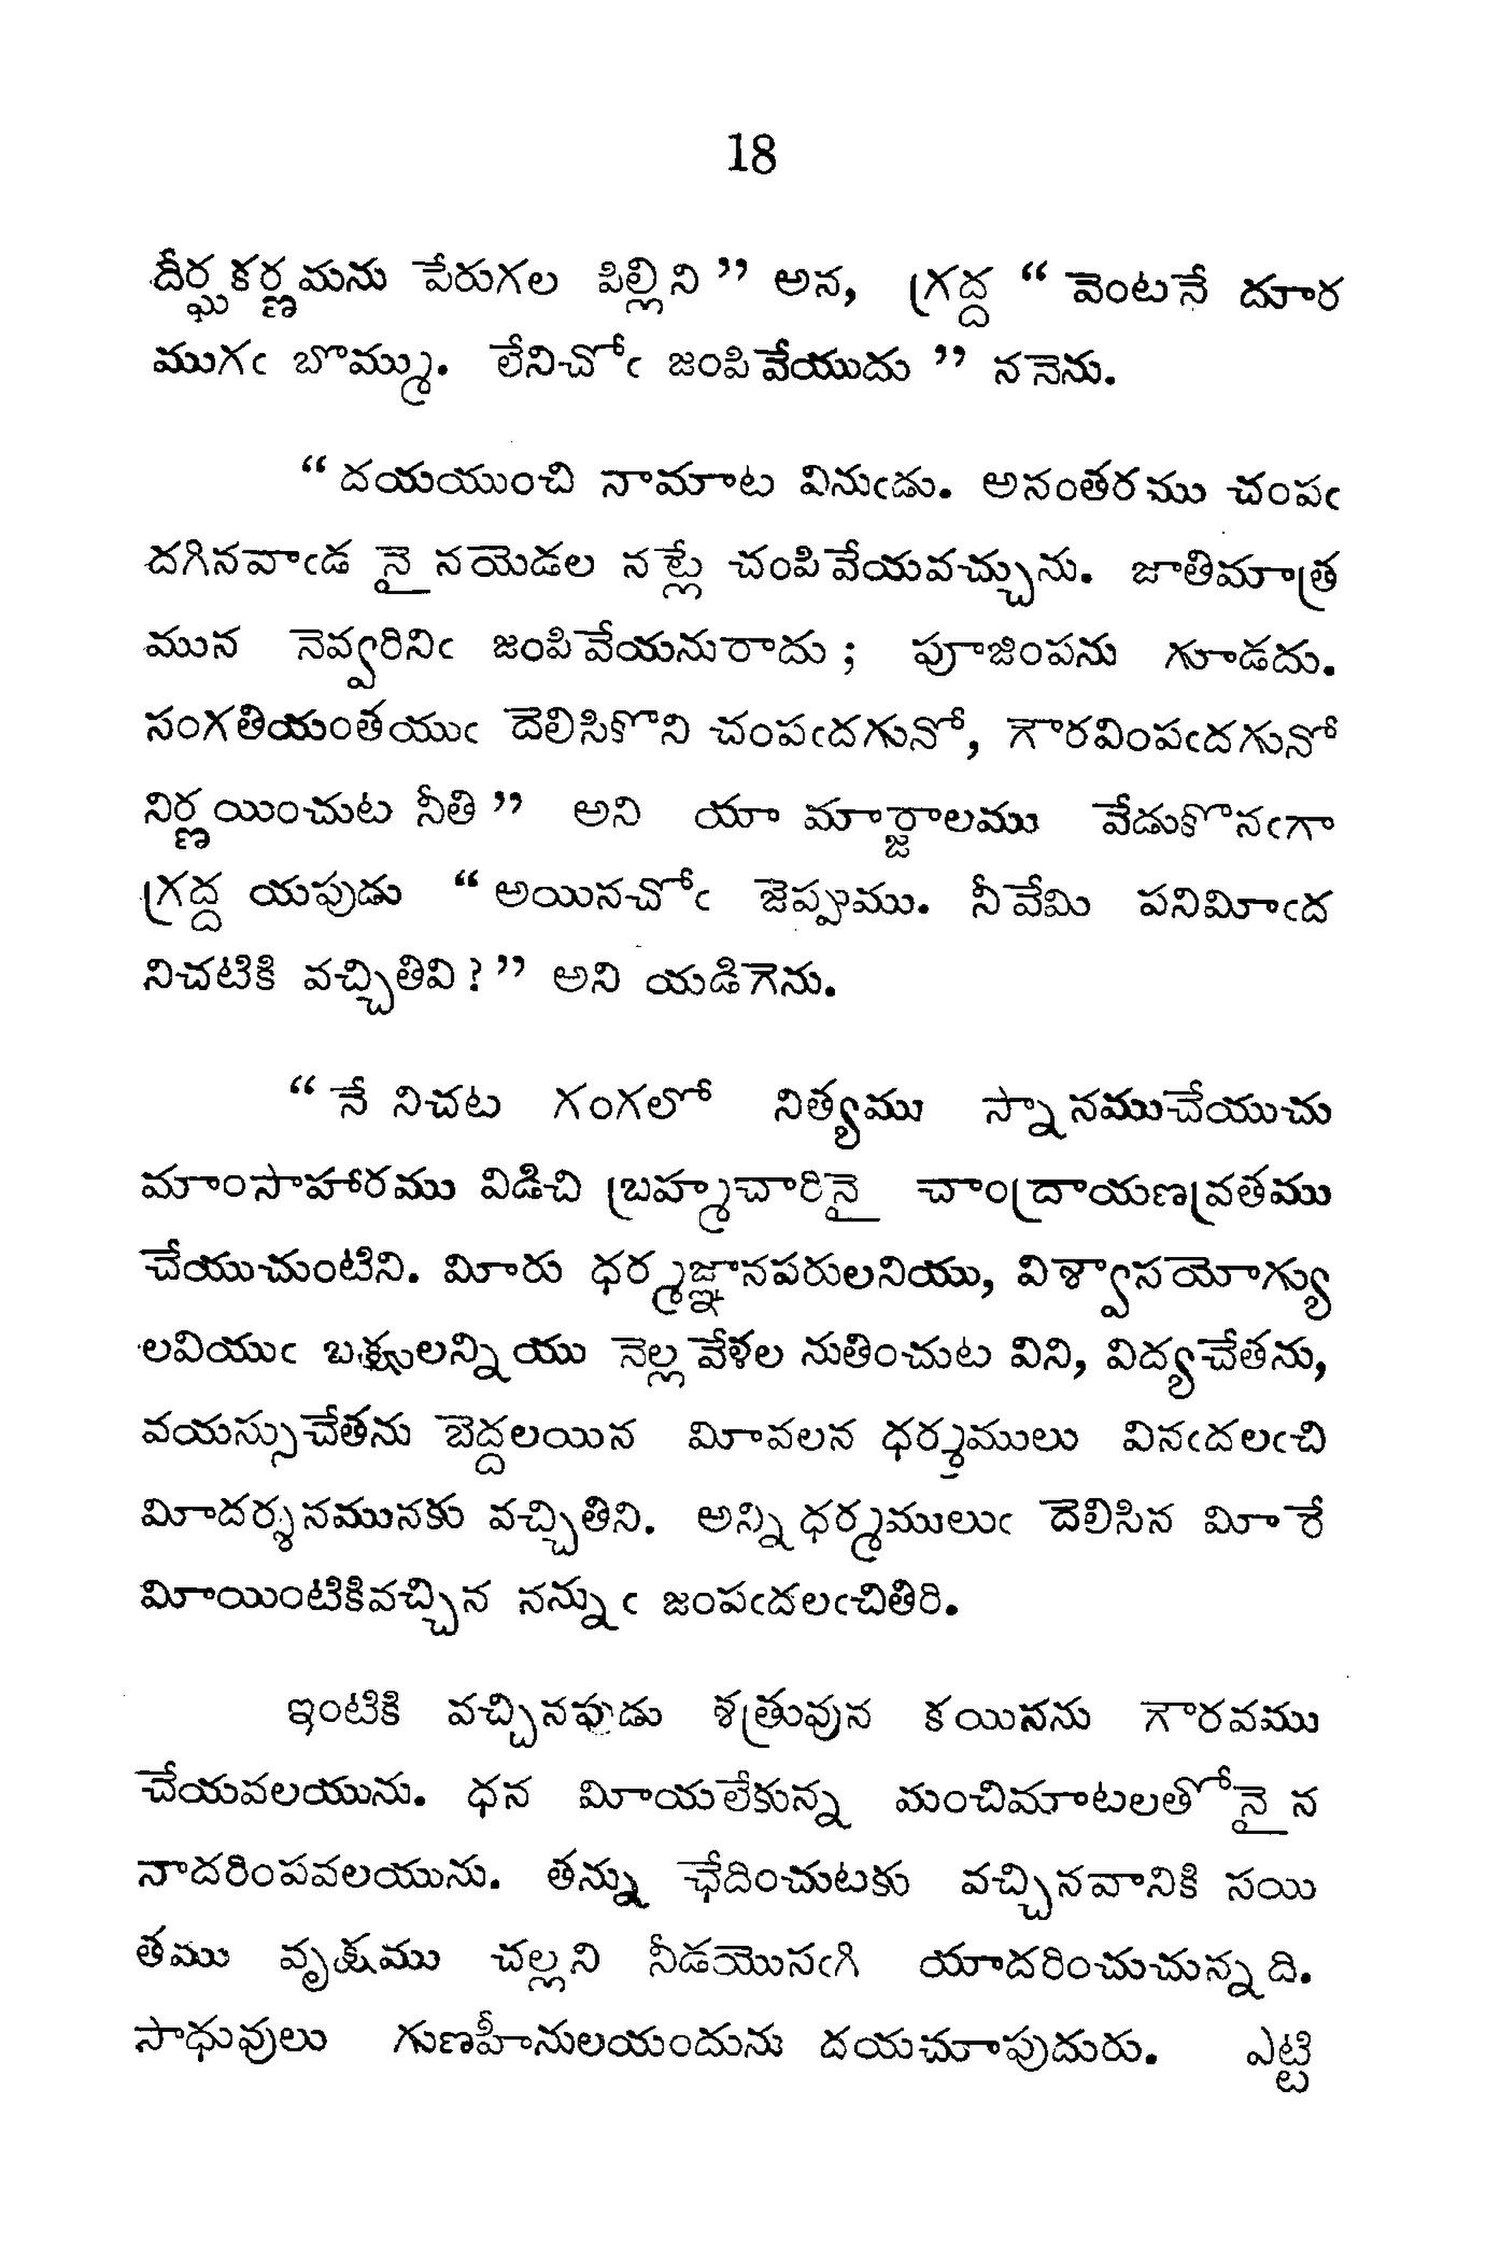దీర్ఘకర్ణమను పేరుగల పిల్లిని" అన, గ్రద్ద "వెంటనే దూరముగ బొమ్ము. లేనిచో జంపివేయుదు" ననెను.

"దయయుంచి నామాట వినుడు. అనంతరము చంప దగినవాడ నైనయెడల నట్లే చంపివేయవచ్చును. జాతిమాత్రమున నెవ్వరిని జంపివేయనురాదు; పూజింపను గూడదు. సంగతియంతయు దెలిసికొని చంపదగునో, గౌరవింపదగునో నిర్ణయించుట నీతి" అని యా మార్జాలము వేడుకొనగా గ్రద్ద యపుడు "అయినచో జెప్పుము. నీవేమి పనిమీద నిచటికి వచ్చితివి?" అనియడిగెను.

"నే నిచట గంగలో నిత్యము స్నానముచేయుచు మాంసాహారము విడిచి బ్రహ్మచారినై చాంద్రాయణవ్రతము చేయుచుంటిని. మీరు ధర్మజ్ఞానపరులనియు, విశ్వాసయోగ్యులనియు బక్షులన్నియు నెల్లవేళల నుతించుట విని, విద్యచేతను, వయస్సుచేతను బెద్దలయిన మీవలన ధర్మములు వినదలచి మీదర్శనమునకు వచ్చితిని. అన్నిధర్మములు దెలిసిన మీరే మీయింటికి వచ్చిన నన్ను జంపదలచితిరి.

ఇంటికి వచ్చినప్పుడు శత్రువున కయినను గౌరవము చేయవలయును. ధన మీయలేకున్న మంచిమాటలతోనైన నాదరింపవలయును. తన్ను ఛేదించుటకు వచ్చినవానికి సయితము వృక్షము చల్లని నీడయొసగి యాదరించుచున్నది. సాధువులు గుణహీనులయందును దయచూపుదురు. ఎట్టి